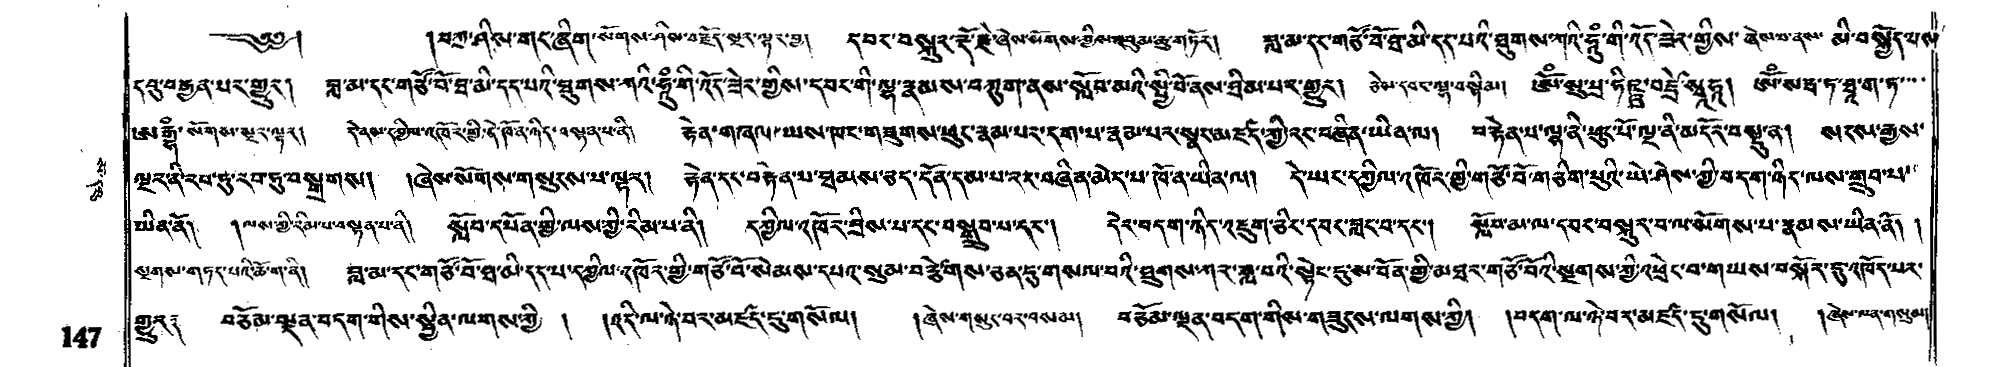༄༅། །བཀྲ་ཤིས་གང་ཞིག་སོགས་ཤིས་བརྗོད་སྔར་ལྟར་བྱ།  དབང་བསྐུར་རྡོ་རྗེ་ཞེས་སོགས་ཀྱིས་འབུམ་ཆུ་གཏོར།  བླ་མ་དང་གཙོ་བོ་ཐ་མི་དད་པའི་ཐུགས་ཀའི་ཧཱུཾ་གི་འོད་ཟེར་གྱིས་ཞེས་པ་ནས་མི་བསྐྱོད་པས་
དབུ་བརྒྱན་པར་གྱུར། བླ་མ་དང་གཙོ་བོ་ཐ་མི་དད་པའི་ཐུགས་ཀའི་ཧཱུཾ་གི་འོད་ཟེར་གྱིས་དབང་གི་ལྷ་རྣམས་བཀུག་ནས་སློབ་མའི་སྤྱི་བོ་ནས་ཐིམ་པར་གྱུར། ཅེས་དབང་ལྷ་བསྟིམ།  ཨོཾ་སུ་པྲ་ཏིཥཊཿཨ་བཛྲེ་སྭཱཧཱ། ཨོཾ་སརྦ་ཏ་ཐཱ་ག་ཏ་
ཨརྒྷཾ་སོགས་སྔར་ལྟར། དེ་ནས་དཀྱིལ་འཁོར་གྱི་དེ་ཁོ་ན་ཉིད་བསྟན་པ་ནི།  རྟེན་གཞལ་ཡས་ཁང་གཟུགས་ཕུང་རྣམ་པར་དག་པ་རྣམ་པར་སྣང་མཛད་ཀྱི་རང་བཞིན་ཡིན་ལ། བརྟེན་པ་ལྷ་ནི་ཕུང་པོ་ལྔ་ནི་མདོར་བསྡུ་ན། སངས་རྒྱས་
ལྔར་ནི་རབ་ཏུ་རབ་ཏུ་བསྒྲགས། །ཞེས་སོགས་གསུངས་པ་ལྟར། རྟེན་དང་བརྟེན་པ་ཐམས་ཅད་དོན་དམ་པ་རང་བཞིན་མེད་པ་ཁོ་ན་ཡིན་ལ། དེ་ཡང་དཀྱིལ་འཁོར་གྱི་གཙོ་བོ་གཅིག་པུའི་ཡེ་ཤེས་ཀྱི་བདག་ཉིད་ལས་གྲུབ་པ་
ཡིན་ནོ། །ལས་ཀྱི་རིམ་པ་བསྟན་པ་ནི།  སློབ་དཔོན་གྱི་ལས་ཀྱི་རིམ་པ་ནི། དཀྱིལ་འཁོར་བྲིས་པ་དང་བསྒྲུབ་པ་དང་། དེར་བདག་ཉིད་འཇུག་ཅིང་དབང་བླང་བ་དང་། སློབ་མ་ལ་དབང་བསྐུར་བ་ལ་སོགས་པ་རྣམས་ཡིན་ནོ། །
སྔགས་གཏད་པའི་ཆོ་ག་ནི།  བླ་མ་དང་གཙོ་བོ་ཐ་མི་དད་པ་དཀྱིལ་འཁོར་གྱི་གཙོ་བོ་སེམས་དཔའ་སུམ་བརྩེགས་ཅན་དུ་གསལ་བའི་ཐུགས་ཀར་ཟླ་བའི་སྟེང་དུ་ས་བོན་གྱི་མཐར་གཙོ་བོའི་སྔགས་ཀྱི་འཕྲེང་བ་གཡས་བསྐོར་དུ་འཁོད་པར་
གྱུར༑ བཅོམ་ལྡན་བདག་གིས་སྦྱིན་ལགས་ཀྱི། །འདི་ལ་ཉེ་བར་མཛད་དུ་གསོལ། །ཞེས་གསུང་བར་བསམ།  བཅོམ་ལྡན་བདག་གིས་གཟུངས་ལགས་ཀྱི། །བདག་ལ་ཉེ་བར་མཛད་དུ་གསོལ། །ཞེས་ལན་གསུམ།